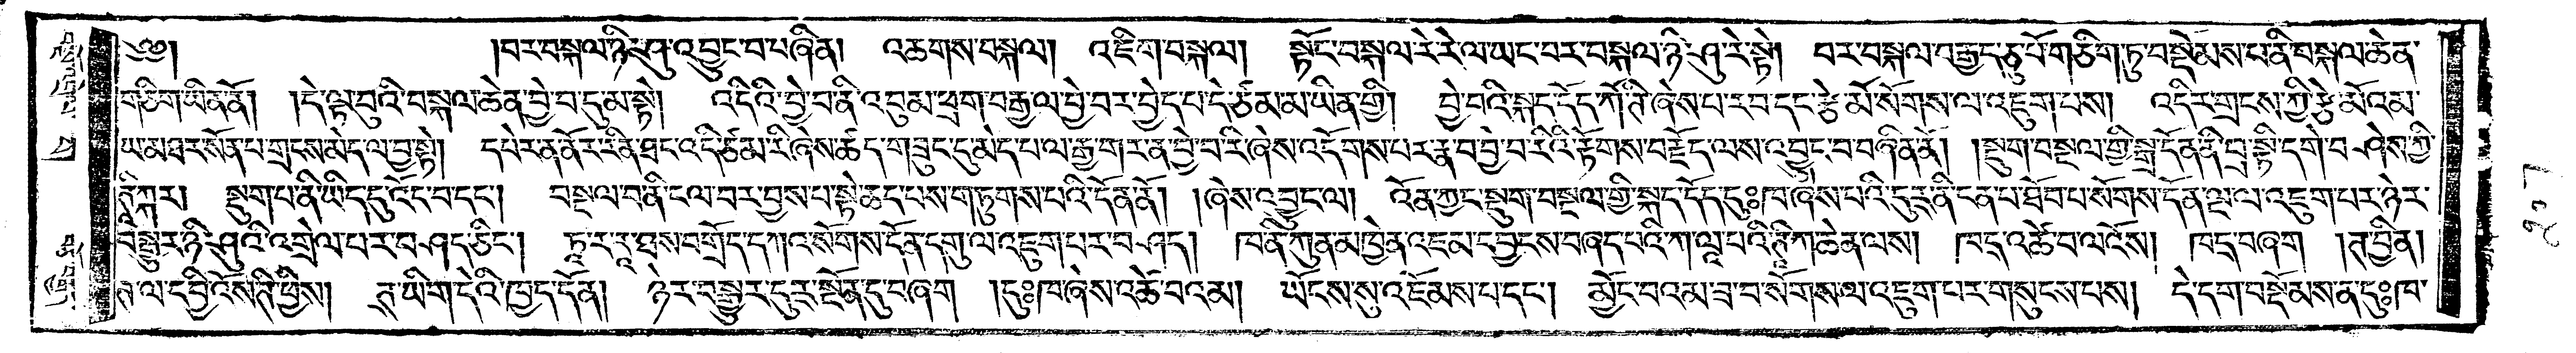༄༅། །བར་བསྐལ་ཉི་ཤུ་འབྱུང་བ་བཞིན། འཆགས་བསྐལ། འཇིག་བསྐལ། སྟོང་བསྐལ་རེ་རེ་ལ་ཡང་བར་བསྐལ་ཉི་ཤུ་རེ་སྟེ། བར་བསྐལ་བརྒྱལ་ཅུ་པོ་གཅིག་ཏུ་བསྡོམས་པ་ནི་བསྐལ་ཆེན་
གཅིག་ཡིན་ནོ། །དེ་ལྟ་བུའི་བསྐལ་ཆེན་བྱེ་བ་དུ་མ་སྟེ། འདིའི་བྱེ་བ་ནི་འབུམ་ཕྲག་བརྒྱ་ལ་བྱེ་བར་བྱེད་པ་དེ་ཙམ་མ་ཡིན་གྱི། བྱེ་བའི་སྐར་དོད་ཀོ་ཊི་ཞེས་པ་རབ་དང་རྩེ་མོ་སོགས་ལ་འཇུག་པས། འདིར་གྲངས་ཀྱི་རྩེ་མོའམ་
?་མཐར་སོན་པ་གྲངས་མེད་ལ་བྱ་སྟེ། དཔེར་ན་ནོར་རི་ན་ཐང་འདི་ཙམ་རི་ཞེས་ཚད་གཟུང་དུ་མེད་པ་ལ་རྒྱ་གར་ན་བྱེ་བ་རི་ཞེས་འདོགས་པར་རྣ་བ་བྱེ་པ་རིའི་རྟོགས་བརྗོད་ལས་འབྱུང་བ་བཞིན་ནོ། །སྡུག་བསྔལ་གྱི་སྒྲ་དོན་ནི་བུ་སྟི་དགེ་བཤེས་ཀྱི་
ཊིཀྐར། སྡུག་པ་ནི་ཡིད་དུ་འོང་བ་དང་། བསྔལ་བ་ནི་ངལ་བར་བྱས་པ་སྟེ་ཆད་པས་གཏུགས་པའི་དོན་ནོ། །ཞེས་འབྱུང་ལ། འོན་ཀྱང་སྡུག་བསྔལ་གྱི་སྐྲད་དོད་དུཿཁ་ཞེས་པའི་དུར་ནི་ངན་པ་ཐོབ་པ་སོགས་དོན་ལྔ་ལ་འཇུག་པར་ཉེར་
བསྒྱུར་ཉི་ཤུའི་འགྲེལ་བར་བཤད་ཅིང་། ཏཱ་ར་རཱ་ཐས་བགྲོད་དཀའ་སོགས་དོན་དགུ་ལ་འཇུག་པར་བཤད། ཁ་ནི་ཀུན་མཁྱེན་འཇམ་དབྱངས་བཞད་པའི་ཀ་ལཱ་པའི་ཊཱི་ཀ་ཆེན་ལས། ། ཁདྲ་འཆེ་བ་ལའོས། ཁྡྲ་བཞག །ཊ་བྱིན།
ཊ་ལང་དཔྱི་འོས་ཊི་བྱིས། ཊྲ་ཡིག་དེའི་ཁྱད་དོན། ཉེར་བསྒྱུར་དུར་སྔོན་དུ་བཞག །དུཿ ཁ་ཞེས་འཚེ་བའམ། ཡོངས་སུ་འཇོམས་པ་དང་། མྱོང་བའམ་ཟ་བ་སོགས་ལ་འཇུག་པར་གསུངས་པས། དེ་དག་བསྡོམས་ན་དུཿཁ་